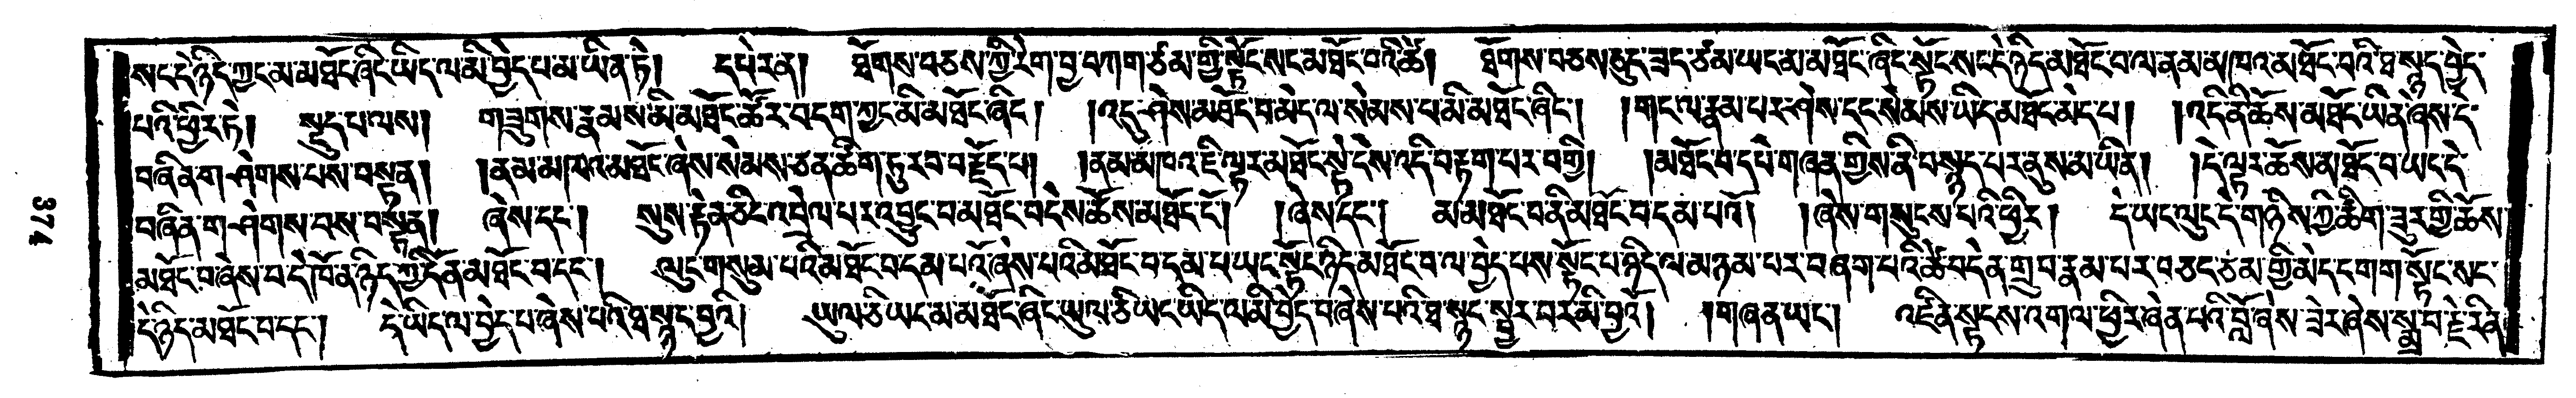སང་དེ་ཉིད་ཀྱང་མ་མཐོང་ཞིང་ཡིད་ལ་མི་བྱེད་པ་མ་ཡིན་ཏེ། དཔེར་ན། ཐོགས་བཅད་ཀྱི་རེག་བྱ་བཀག་ཙམ་གྱི་སྟོང་སང་མཐོང་བའི་ཚེ། ཐོགས་བཅས་ཅུང་ཟད་ཙམ་ཡང་མ་མཐོང་ཞིང་སྟོང་སང་དེ་ཉིད་མཐོང་བ་ལ་ནམ་མཁའ་མཐོང་བའི་ཐ་སྙད་བྱེད་
པའི་ཕྱིར་ཏེ། སྡུད་པ་ལས། གཟུགས་རྣམས་མི་མཐོང་ཚོར་བདག་ཀྱང་མི་མཐོང་ཞིང་། །འདུ་ཤེས་མཐོང་བ་མེད་ལ་སེམས་པ་མི་མཐོང་ཞིང་། །གང་ལ་རྣམ་པར་ཤེས་དང་སེམས་ཡིད་མཐོང་མེད་པ། །འདི་ནི་ཆོས་མཐོང་ཡིན་ཞེས་དེ་
བཞིན་གཤེགས་པས་བསྟན། །ནམ་མཁའ་མཐོང་ཞེས་སེམས་ཅན་ཚིག་ཏུ་རབ་བརྗོད་པ། །ནམ་མཁའ་ཇི་ལྟར་མཐོང་སྟེ་དེས་འདི་བརྟག་པར་བགྱི། །མཐོང་བ་དཔེ་གཞན་གྱིས་ནི་བསྙད་པར་ནུས་མ་ཡིན། །དེ་ལྟར་ཆོས་མཐོང་བ་ཡང་དེ་
བཞིན་གཤེགས་པས་བསྟན། ཞེས་དང་། སུས་རྟེན་ཅིང་འབྲེལ་པར་འབྱུང་པ་མཐོང་བདེས་ཆོས་མཐོང་ངོ། །ཞེས་དང་། མ་མཐོང་བ་ནི་མཐོང་བ་དམ་པའོ། །ཞེས་གསུངས་པའི་ཕྱིར། དེ་ཡང་ལུང་དེ་གཉིས་ཀྱི་ཚིག་ཟུར་གྱི་ཆོས་
མཐོང་བ་ཞེས་པ་དེ་ཁོ་ན་ཉིད་ཀྱི་དོན་མཐོང་བ་དང་། ལུང་གསུམ་པའི་མཐོང་བ་དམ་པའོ་ཞེས་པའི་མཐོང་བ་དམ་པ་ཡང་སྟོང་ཉིད་མཐོང་བ་ལ་བྱེད་པས་སྟོང་པ་ཉིད་ལ་མཉམ་པར་བཞག་པའི་ཚེ་བདེན་གྲུབ་རྣམ་པར་བཅང་ཙམ་གྱི་མེད་དགག་སྟོང་སང་
དེ་ཉིད་མཐོང་བ་དང་། དེ་ཡིད་ལ་བྱེད་པ་ཞེས་པའི་ཐ་སྙད་བྱའི། ཡུལ་ཅི་ཡང་མ་མཐོང་ཞིང་ཡུལ་ཅི་ཡང་ཡིད་ལ་མི་བྱེད་བ་ཞེས་པའི་ཐ་སྙད་སྦྱར་བར་མི་བྱའོ། །གཞན་ཡང་། འཛིན་སྟངས་འགལ་ཕྱིར་ཞེན་པའི་བློ་ཞེས་ཟེར་ཞེས་སྨྲ་བ་རྗེ་རིན་